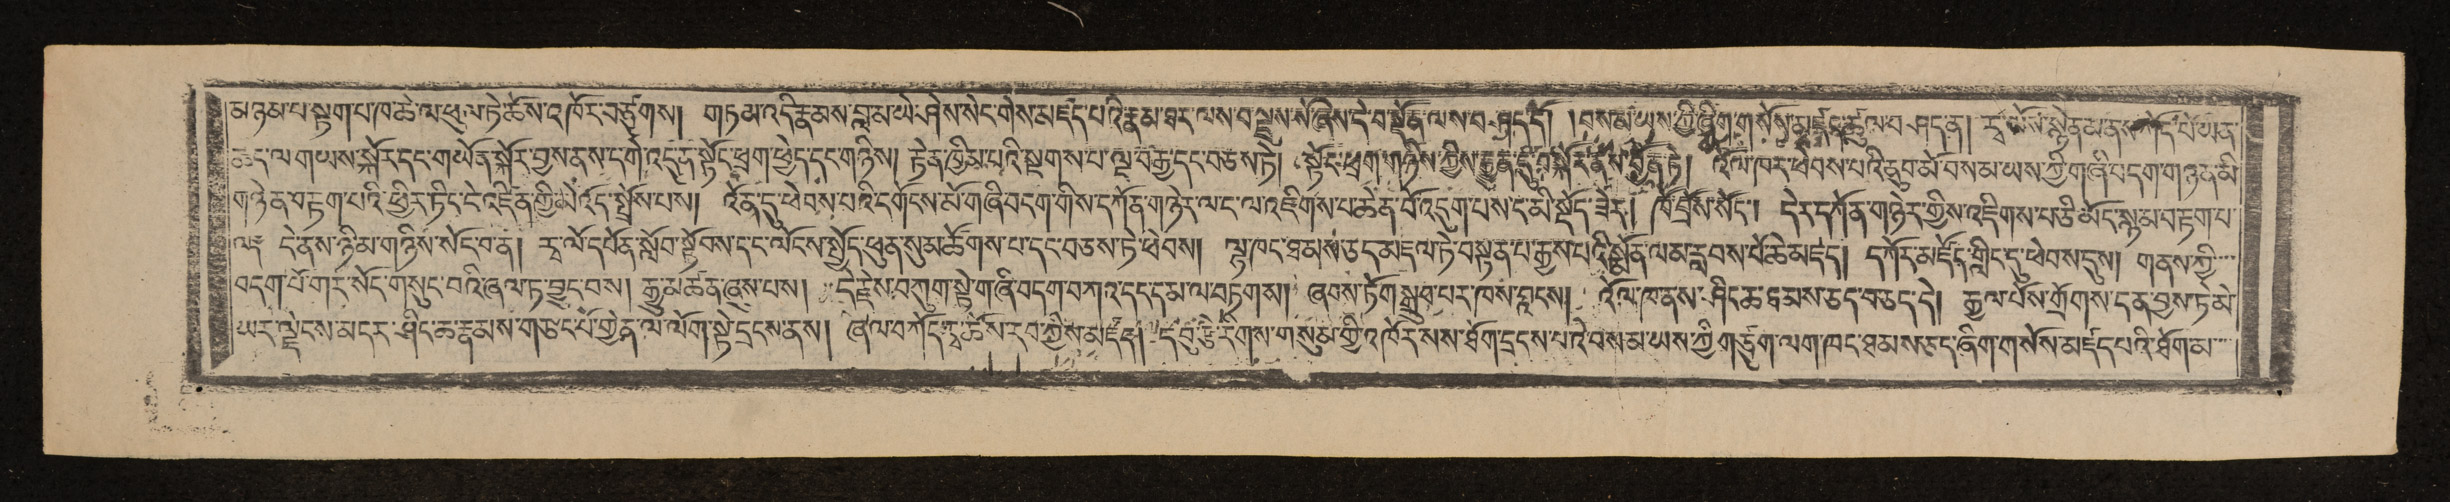མཉམ་པ་སྟག་པ་ཁ་ཆེ་ལ་ཕུལ་ཏེ་ཆོས་འཁོར་བཙུགས། གཏམ་འདི་རྣམས་བླ་མ་ཡེ་ཤེས་སེང་གེས་མཛད་པའི་རྣམ་ཐར་ལས་བསྡུས་སོ་ཞེས་དེ་བསྔོན་ལས་བཤད་དོ། །བསམ་ཡས་ཀྱི་ཞིག་གསོས་མཛད་ཚུལ་བཤད་ན། རྭ་ལོས་སྙེ་ནམ་ནས་ཀོད་པོ་ཡན་
ཆད་ལ་གཡས་སྐོར་དང་གཡོན་སྐོར་བྱས་ནས་དགེ་འདུན་སྟོང་ཕྲག་ཕྱེད་དང་གཉིས། རྟེན་ཁྱིམ་པའི་སྔགས་པ་ལྔ་བརྒྱ་དང་བཅས་ཏེ། སྟོང་ཕྲག་གཉིས་ཀྱིས་རྒྱུན་དུ་བསྐོར་ནས་བྱོན་ཏེ། འོལ་ཁར་ཕེབས་པའི་ནུབ་མོ་བསམ་ཡས་ཀྱི་གཞི་བདག་གཉན་མི་
གཉན་བརྟག་པའི་ཕྱིར་ཏིང་ངེ་འཛིན་གྱི་མེ་འོད་སྤྲོས་པས། འོན་དུ་ཕེབས་པའི་དགོངས་མོ་གཞི་བདག་གིས་དཀོན་གཉེར་ལང་ལ་འཇིགས་པ་ཆེན་པོ་འདུག་པས་ང་མི་སྡོད་ཟེར། ཁོ་བྲོས་སོང་། དེར་དཀོན་གཉེར་གྱིས་འཇིགས་པ་ཅི་ཡོང་སྙམ་བརྟག་པ་
ལ༑ དེ་ནས་ཉི་མ་གཉིས་སོང་བ་ན། རྭ་ལོ་དཔོན་སློབ་སྟོབས་དང་ལོངས་སྤྱོད་ཕུན་སུམ་ཚོགས་པ་དང་བཅས་ཏེ་ཕེབས། ལྷ་ཁང་ཐམས་ཅད་མཇལ་ཏེ་བསྟན་པ་རྒྱས་པའི་སྨོན་ལམ་རླབས་པོ་ཆེ་མཛད། དཀོར་མཛོད་གླིང་དུ་ཕེབས་དུས། གནས་ཀྱི་
བདག་པོ་གར་སོང་གསུང་བའི་ཞལ་ཏ་བྱུང་བས། རྒྱུ་མཚན་ཞུས་པས། དེ་རྗེས་བཀུག་སྟེ་གཞི་བདག་བཀའ་དང་དམ་ལ་བཏགས། ཞབས་ཏོག་སྒྲུབ་པར་ཁས་བླངས། འོལ་ཁ་ནས་ཤིང་ཆ་ཐམས་ཅད་བཅད་དེ། རྒྱལ་པོས་གྲོགས་དན་བྱས་ཏེ་མེ་
ཡར་ལྗོངས་མདར་ཤིང་ཆ་རྣམས་གཙང་པོ་གྱེན་ལ་ལོག་སྟེ་དྲངས་ནས། ཞལ་བཀོད་རྭ་ཆོས་རབ་ཀྱིས་མཛད། དབུ་རྩེ་རིགས་གསུམ་གྱི་འཁོར་སས་ཐོག་དྲངས་པའི་བསམ་ཡས་ཀྱི་གཙུག་ལག་ཁང་ཐམས་ཅད་ཞིག་གསོས་མཛད་པའི་ཐོག་མ་